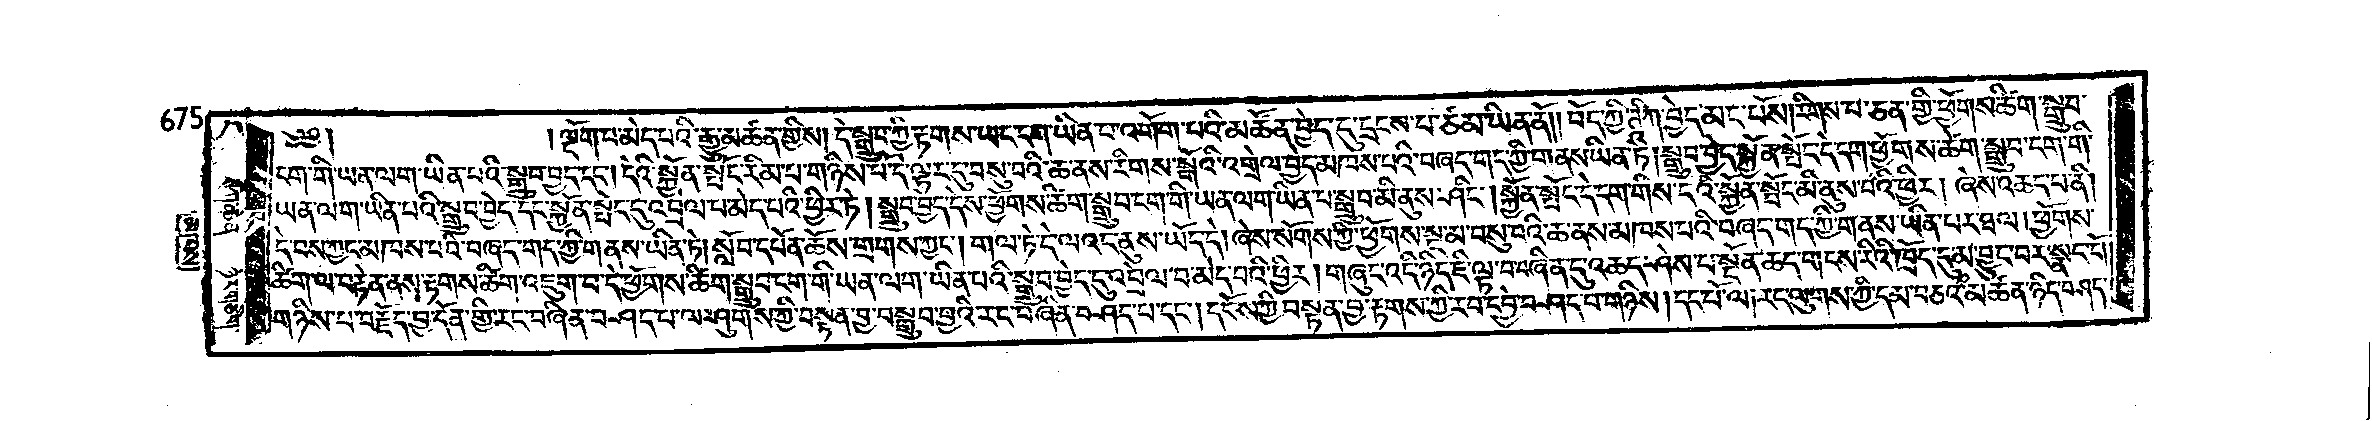༄༅། །ལྡོག་པ་མེད་པའི་རྒྱུ་མཚན་གྱིས། དེ་སྒྲུབ་ཀྱི་རྟགས་ཡང་དག་ཡིན་པ་འགོག་པའི་མཚོན་བྱེད་དུ་དྲངས་པ་ཙམ་ཡིན་ནོ། །བོད་ཀྱི་ཊཱིཀ་བྱེད་མང་པོས། རིགས་པ་ཅན་གྱི་ཕྱོགས་ཚིག་སྒྲུབ་
ངག་གི་ཡན་ལག་ཡིན་པའི་སྒྲུབ་བྱེད་དང་། དེའི་སྐྱོན་སྤོང་རིམ་པ་གཉིས་པོ་དེ་ལྟར་དུ་བསུ་བའི་ཆ་ནས་རིགས་སྒོའི་འགྲེལ་བྱེད་མཁས་པའི་བཞད་གད་ཀྱི་གནས་ཡིན་ཏེ། སྒྲུབ་བྱེད་སྐྱོན་སྤོང་དེ་དག་ཕྱོགས་ཚེག་སྒྲུབ་ངག་གི་
ཡན་ལག་ཡིན་པའི་སྒྲུབ་བྱེད་དང་སྐྱོན་སྤོང་དུ་འབྲེལ་བ་མེད་པའི་ཕྱིར་ཏེ། སྒྲུབ་བྱེད་དེས་ཕྱོགས་ཚིག་སྒྲུབ་ངག་གི་ཡན་ལག་ཡིན་པ་སྒྲུབ་མི་ནུས་ཤིང་། སྐྱོན་སྤོང་དེ་དག་གིས་ངའི་སྐྱོན་སྤོང་མི་ནུས་པའི་ཕྱིར། ཞེས་འཆད་པ་ནི་
དེ་བས་ཀྱང་མཁས་པའི་བཞད་གད་ཀྱི་གནས་ཡིན་ཏེ། སློབ་དཔོན་ཆོས་གྲགས་ཀྱང་། གལ་ཏེ་དེ་ལའང་ནུས་ཡོད་དེ། ཞེས་སོགས་ཀྱི་ཕྱོགས་སྔ་མ་བསུ་བའི་ཆ་ནས་མཁས་པའི་བཞད་གད་ཀྱི་གནས་ཡིན་པར་ཐལ། ཕྱོགས་
ཚིག་ལ་བརྟེན་ནས་རྟགས་ཚིག་འཇུག་པ་དེ་ཕྱོགས་ཚིག་སྒྲུབ་ངག་གི་ཡན་ལག་ཡིན་པའི་སྒྲུབ་བྱེད་དུ་འབྲེལ་བ་མེད་པའི་ཕྱིར། གཞུང་འདི་ཉིད་ཇི་ལྟ་བ་བཞིན་དུ་འཆད་ཤེས་པ་སྔོན་ཆད་གངས་རིའི་ཁྲོད་དུ་མ་བྱུང་བར་སྣང་ངོ། །
གཉིས་པ་བརྗོད་བྱ་དོན་གྱི་རང་བཞིན་བཤད་པ་ལ་ཤུགས་ཀྱི་བསྟན་བྱ་བསྒྲུབ་བྱའི་རང་བཞིན་བཤད་པ་དང་། དངོས་ཀྱི་བསྟན་བྱ་རྟགས་ཀྱི་རབ་དབྱེ་བཤད་པ་གཉིས། དང་པོ་ལ། རང་ལུགས་ཀྱི་དམ་བཅའ་མཚན་ཉིད་བཤད་